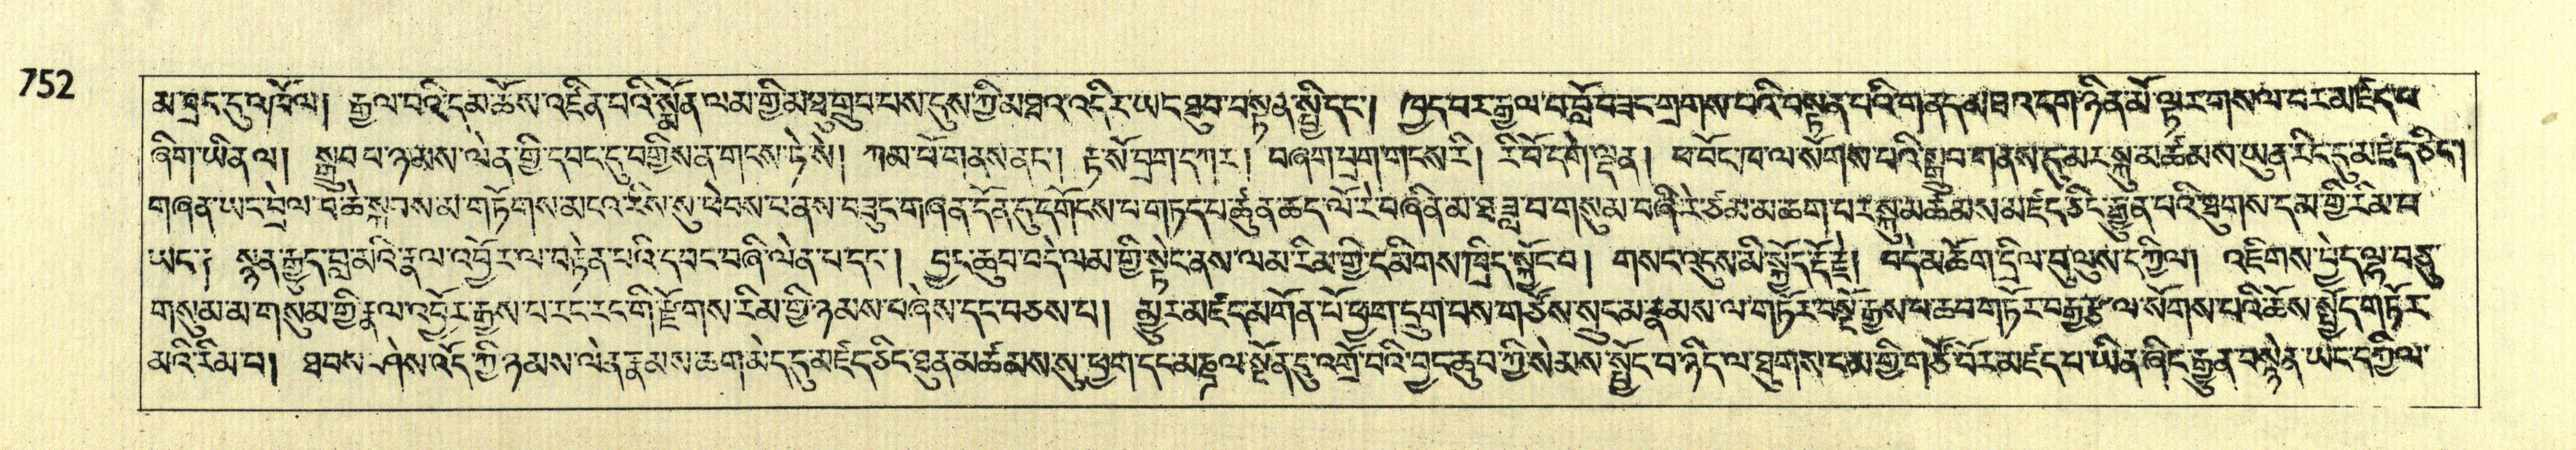མ་བྲང་དུ་འཁོལ། རྒྱལ་བའི་དམ་ཆོས་འཛིན་པའི་སྨོན་ལམ་གྱི་མཐུ་གྲུབ་པས་དུས་ཀྱི་མཐའ་འདིར་ཡང་ཐུབ་བསྟན་སྤྱི་དང་། ཁྱད་པར་རྒྱལ་བ་བློ་བཟང་གྲགས་བའི་བསྟན་པའི་གནད་མཐའ་དག་ཉིན་མོ་ལྟར་གསལ་བར་མཛད་པ་
ཞིག་ཡིན་ལ། སྒྲུབ་པ་ཉམས་ལེན་གྱི་དབང་དུ་བགྱིས་ན་གངས་ཏེ་སེ། ཀམ་པོ་གནས་ནང་། རྟ་སོ་བྲག་དཀར། བཞག་པྲག་གངས་རི། རི་བོ་དགེ་ལྡན། ཕ་བོང་ཁ་ལ་སོགས་པའི་སྒྲུབ་གནས་དུ་མར་སྐུ་མཚམས་ཡུན་རིང་དུ་མཛད་ཅིང་།
གཞན་ཡང་བྲེལ་བ་ཆེ་སྐབས་མ་གཏོགས་མངའ་རིས་སུ་ཕེབས་པ་ནས་བཟུང་གཞན་དོན་དུ་དགོངས་པ་གཏད་པ་ཚུན་ཆད་ལོ་རེ་བཞིན་མ་ཐ་ཟླ་བ་གསུམ་བཞི་རེ་ཙམ་མ་ཆག་པར་སྐུ་མཚམས་མཛད་ཅིང་རྒྱུན་པའི་ཐུགས་དམ་གྱི་རིམ་པ་
ཡང༑ སྙན་རྒྱུད་བལ་མའི་རྣལ་འབྱོར་ལ་བརྟེན་པའི་དབང་བཞི་ལེན་པ་དང་། བྱང་ཆུབ་དེ་ལམ་གྱི་སྟེང་ནས་ལམ་རིམ་གྱི་དམིགས་ཁྲིད་སྐྱོང་བ། གསང་འདུས་མི་སྐྱོད་རྡོ་རྗེ། བདེ་མཆོག་དྲིལ་བུ་ལུས་དཀྱིལ། འཇིགས་བྱེད་ལྷ་བཅུ་
གསུམ་མ་གསུམ་གྱི་རྣལ་འབྱོར་རྒྱས་པ་རང་རང་གི་རྫོགས་རིམ་གྱི་ཉམས་བཞེས་དང་བཅས་པ། མྱུར་མཛད་མགོན་པོ་ཕྱག་དྲུག་བས་གཙོས་སྲུང་མ་རྣམས་ལ་གཏོར་བསྔོ་རྒྱས་པ་ཆབ་གཏོར་བརྒྱ་རྩལ་སོགས་པའི་ཆོས་སྤྱོད་གཏོར་
མའི་རིམ་བ། ཐབས་ཤེས་འོད་ཀྱི་ཉམས་ལེན་རྣམས་ཆག་མེད་དུ་མཛད་ཅིང་ཐུན་མཚམས་སུ་ཕྱག་དང་མཎྜལ་སྔོན་དུ་འགྲོ་བའི་བྱང་ཆུབ་ཀྱི་སེམས་སྤྱོད་བ་ཉིད་ལ་ཐུགས་དམ་གྱི་གཙོ་བོར་མཛད་པ་ཡིན་ཞིང་རྒྱུན་བསྙེན་ཡང་དཀྱིལ་